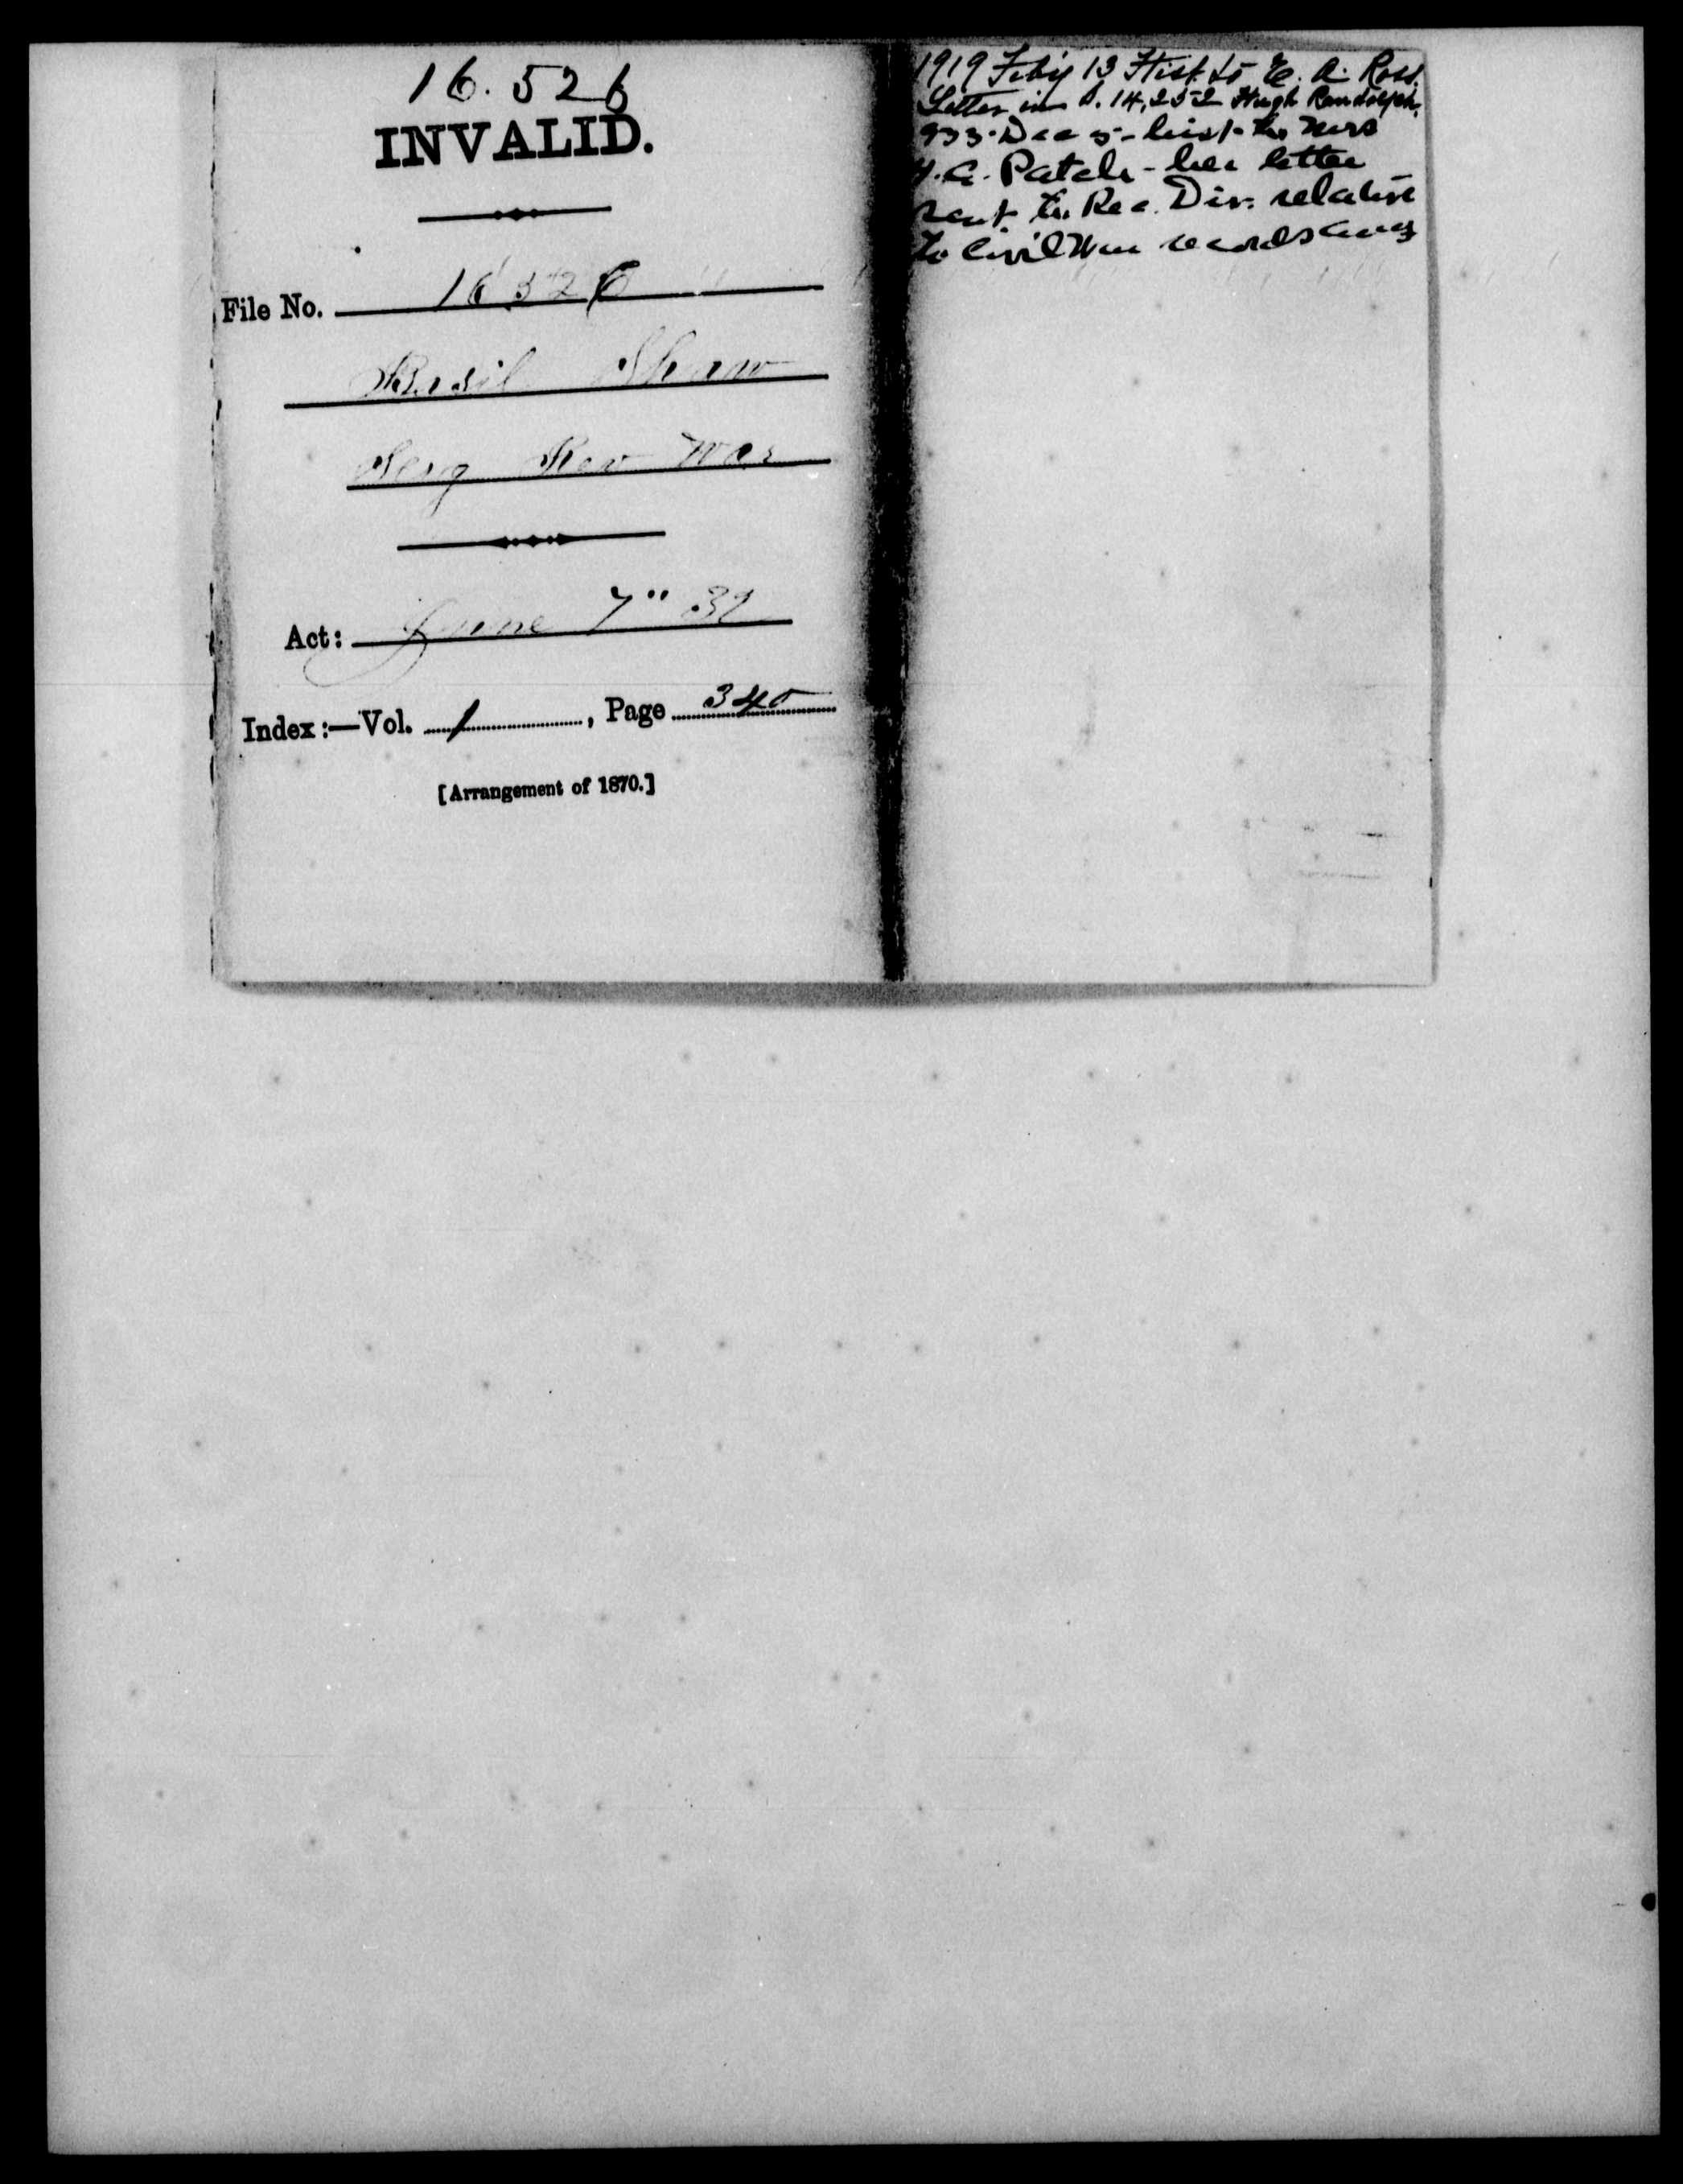16.526
INVALID.
File No. 16,526
Basil Shaw
Serg Rev War
Act: June 7" 32
Index :- Vol. 1, Page 340
[Arrangement of 1870.]

1919 Feb'y 13 Hist. to R. Ross.
Letter in S. 14,252 Hugh Randolph.
1933. Dec 5 Hist. to Mrs
H.A. Patch - see letter
sent to Rec. Div. relative
to Civil War records - awf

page: 12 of 32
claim: survivor's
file: S. 16,526, for Basil Shaw, Maryland